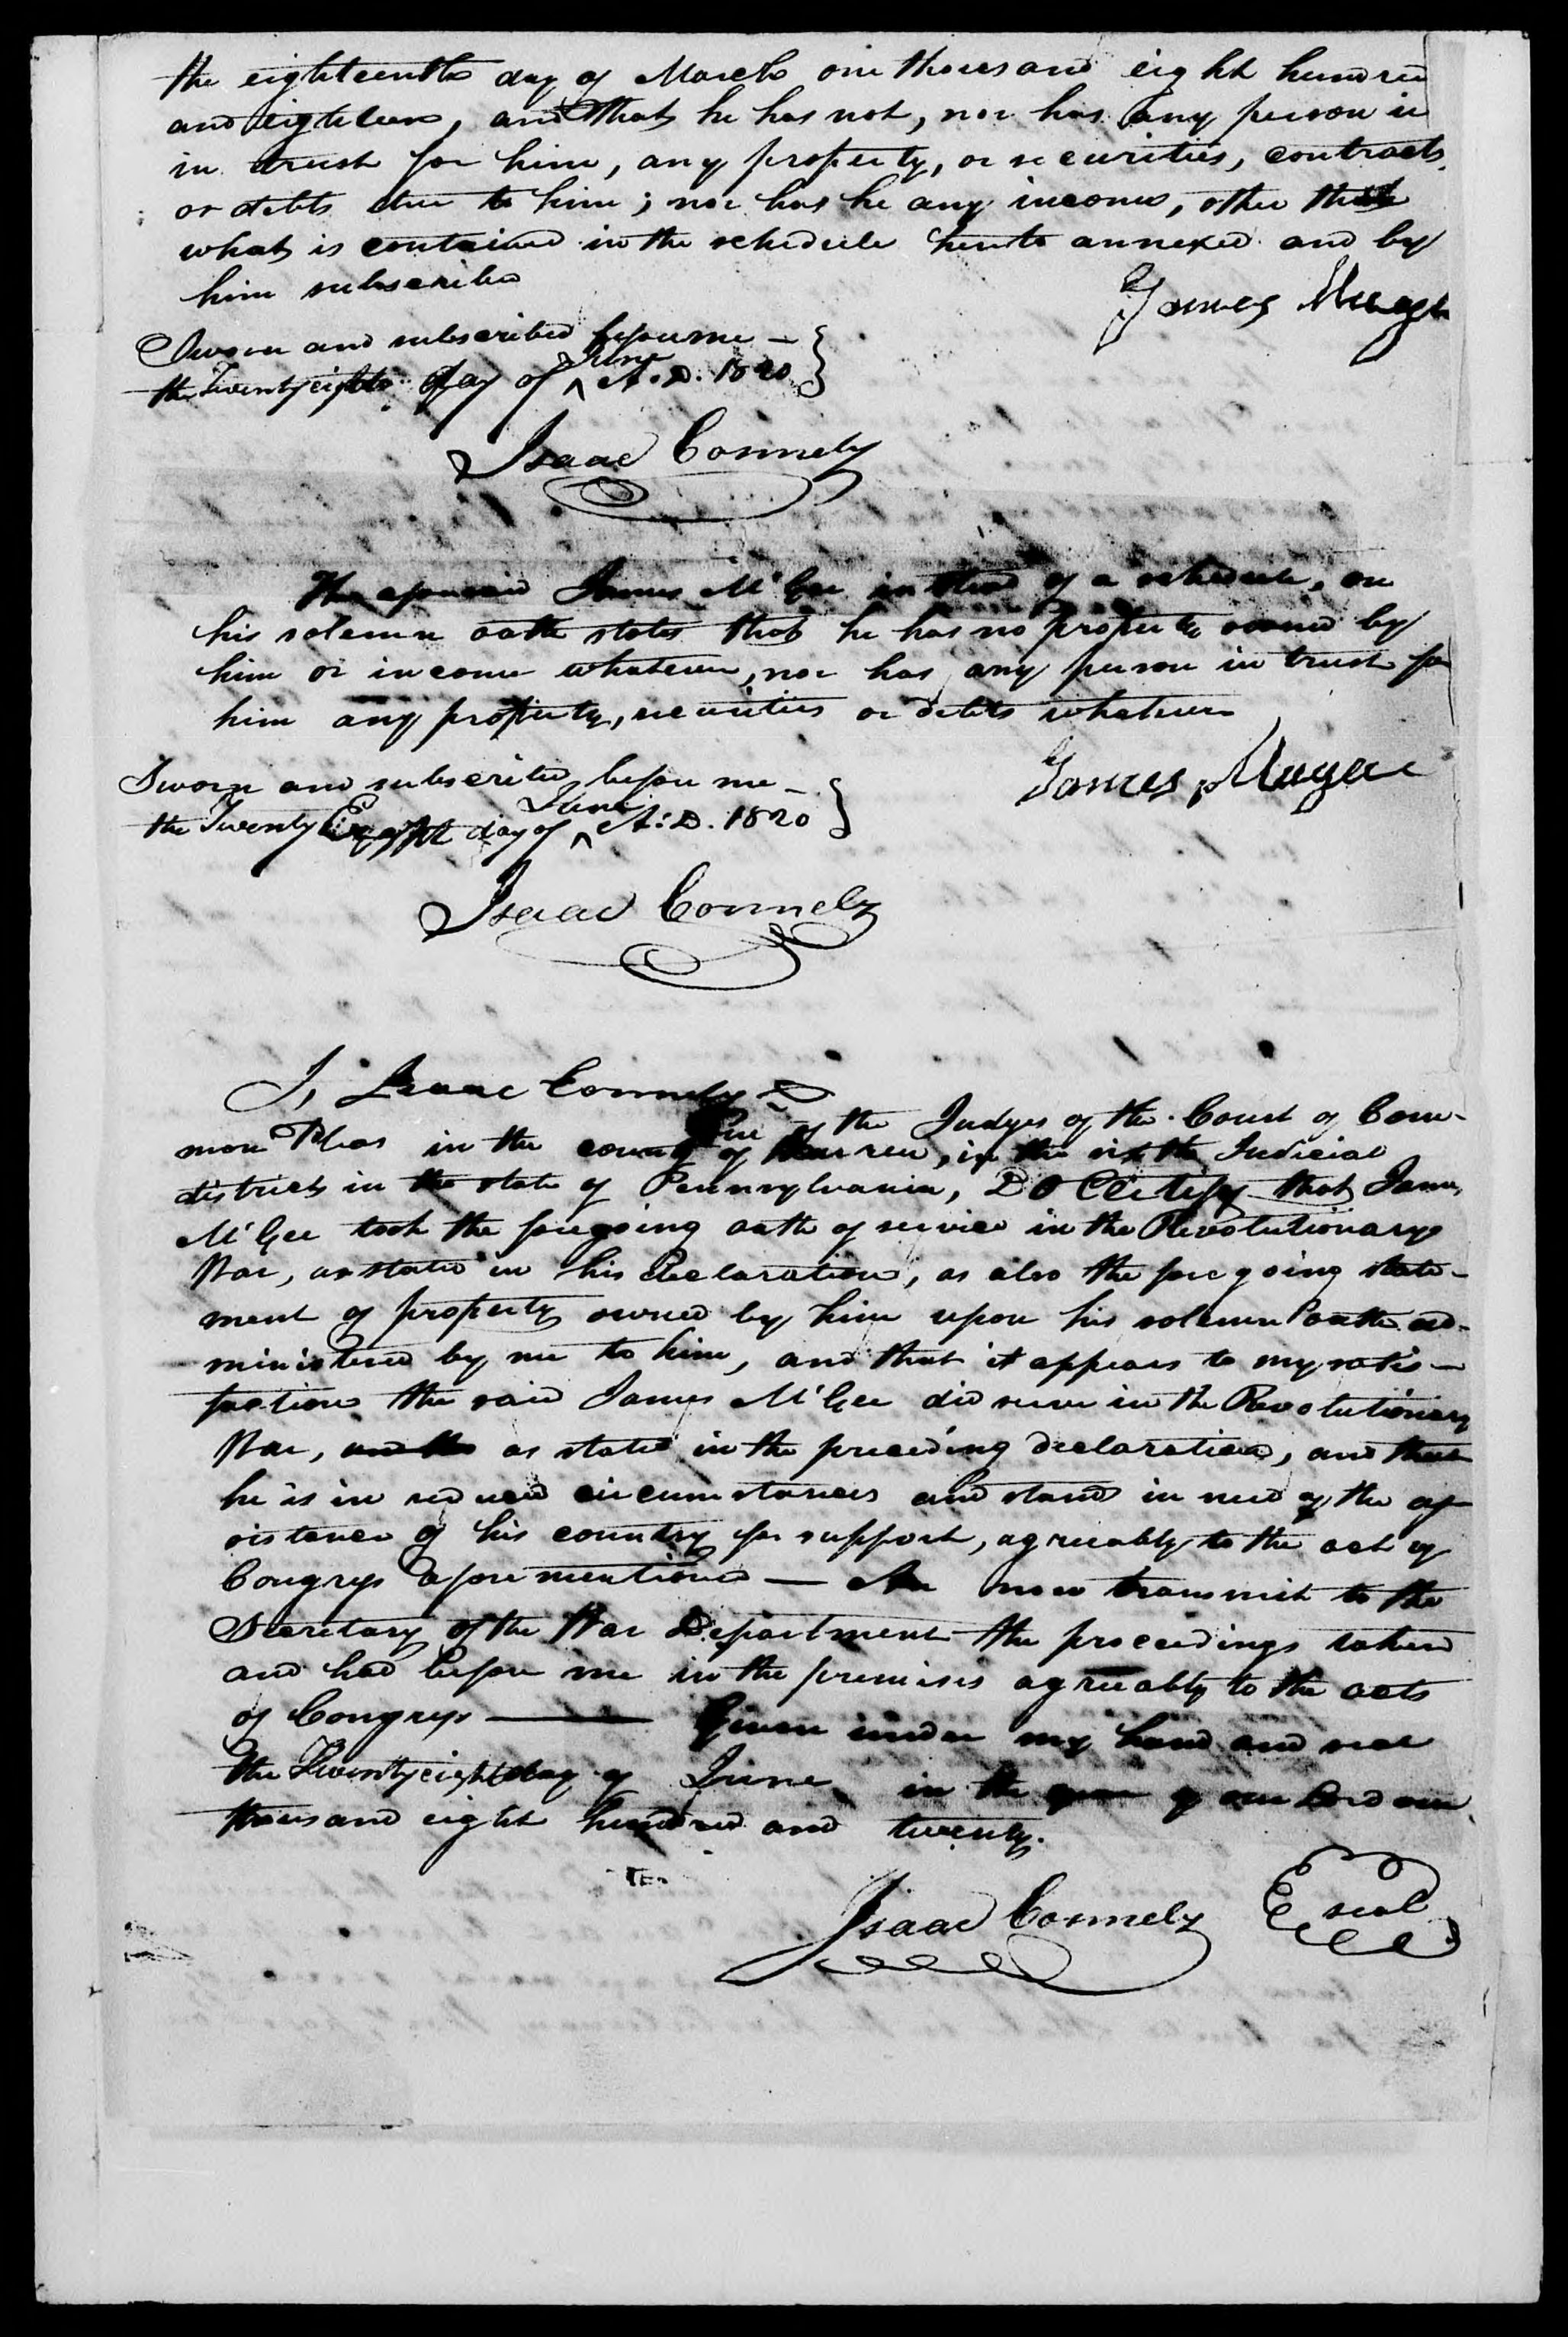(cont'd Declaration of James McGee)

the eighteenth day of March one thousand eight hundred and eighteen, and that he has not, nor has any person in in trust for him, any property, or securities, contracts or debts due to him; nor has he any income, other that what is contained in the schedule hereto annexed and by him subscribes

 James McGee  (his signature) 

Sworn and subscribed before me
the Twenty eighth  day of June A.D.1820

Isaac Connely


The aforesaid James McGee in State of aforesaid, on his solemn oath states that he has no property owned by him or income whatever nor has any person in trust for  him any property, securities  or debts whatever

James McGee (his signature)

Sworn and subscribed before me
the Twenty eighth  day June of A.D. 1820

Isaac Connely

I, Isaac Connely one of the Judges of the Court of Common Pleas   in the county of Warren in the eighth Judicial districts in the State of Pennsylvania, Do certify that James McGee took the foregoing oath of service in the Revolutionary War , as stated in his declaration, as also the foregoing statement of property owned by him upon his solemn oath and
ministered by me to him, and that it appears to my satisfaction the said James McGee did serve in the Revolutionary War months, an as stated in the preceding declaration, and that he is in reduced circumstances and stand in need of the 
assistance of his Country for support, agreeably to the act of Congress aforementioned - I now transmit to the Secretary of the War Department the proceedings taken  and had before me in the premises agreeably to the acts
of Congress---
.


 Sworn under my hand and seal the twenty eighth day of June in the year of our Lord one thousand eight hundred and twenty.

Isaac Connely

(SEAL  had written)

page: 59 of 77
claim: widow's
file: W 2954, for James Mc Gee, Delaware